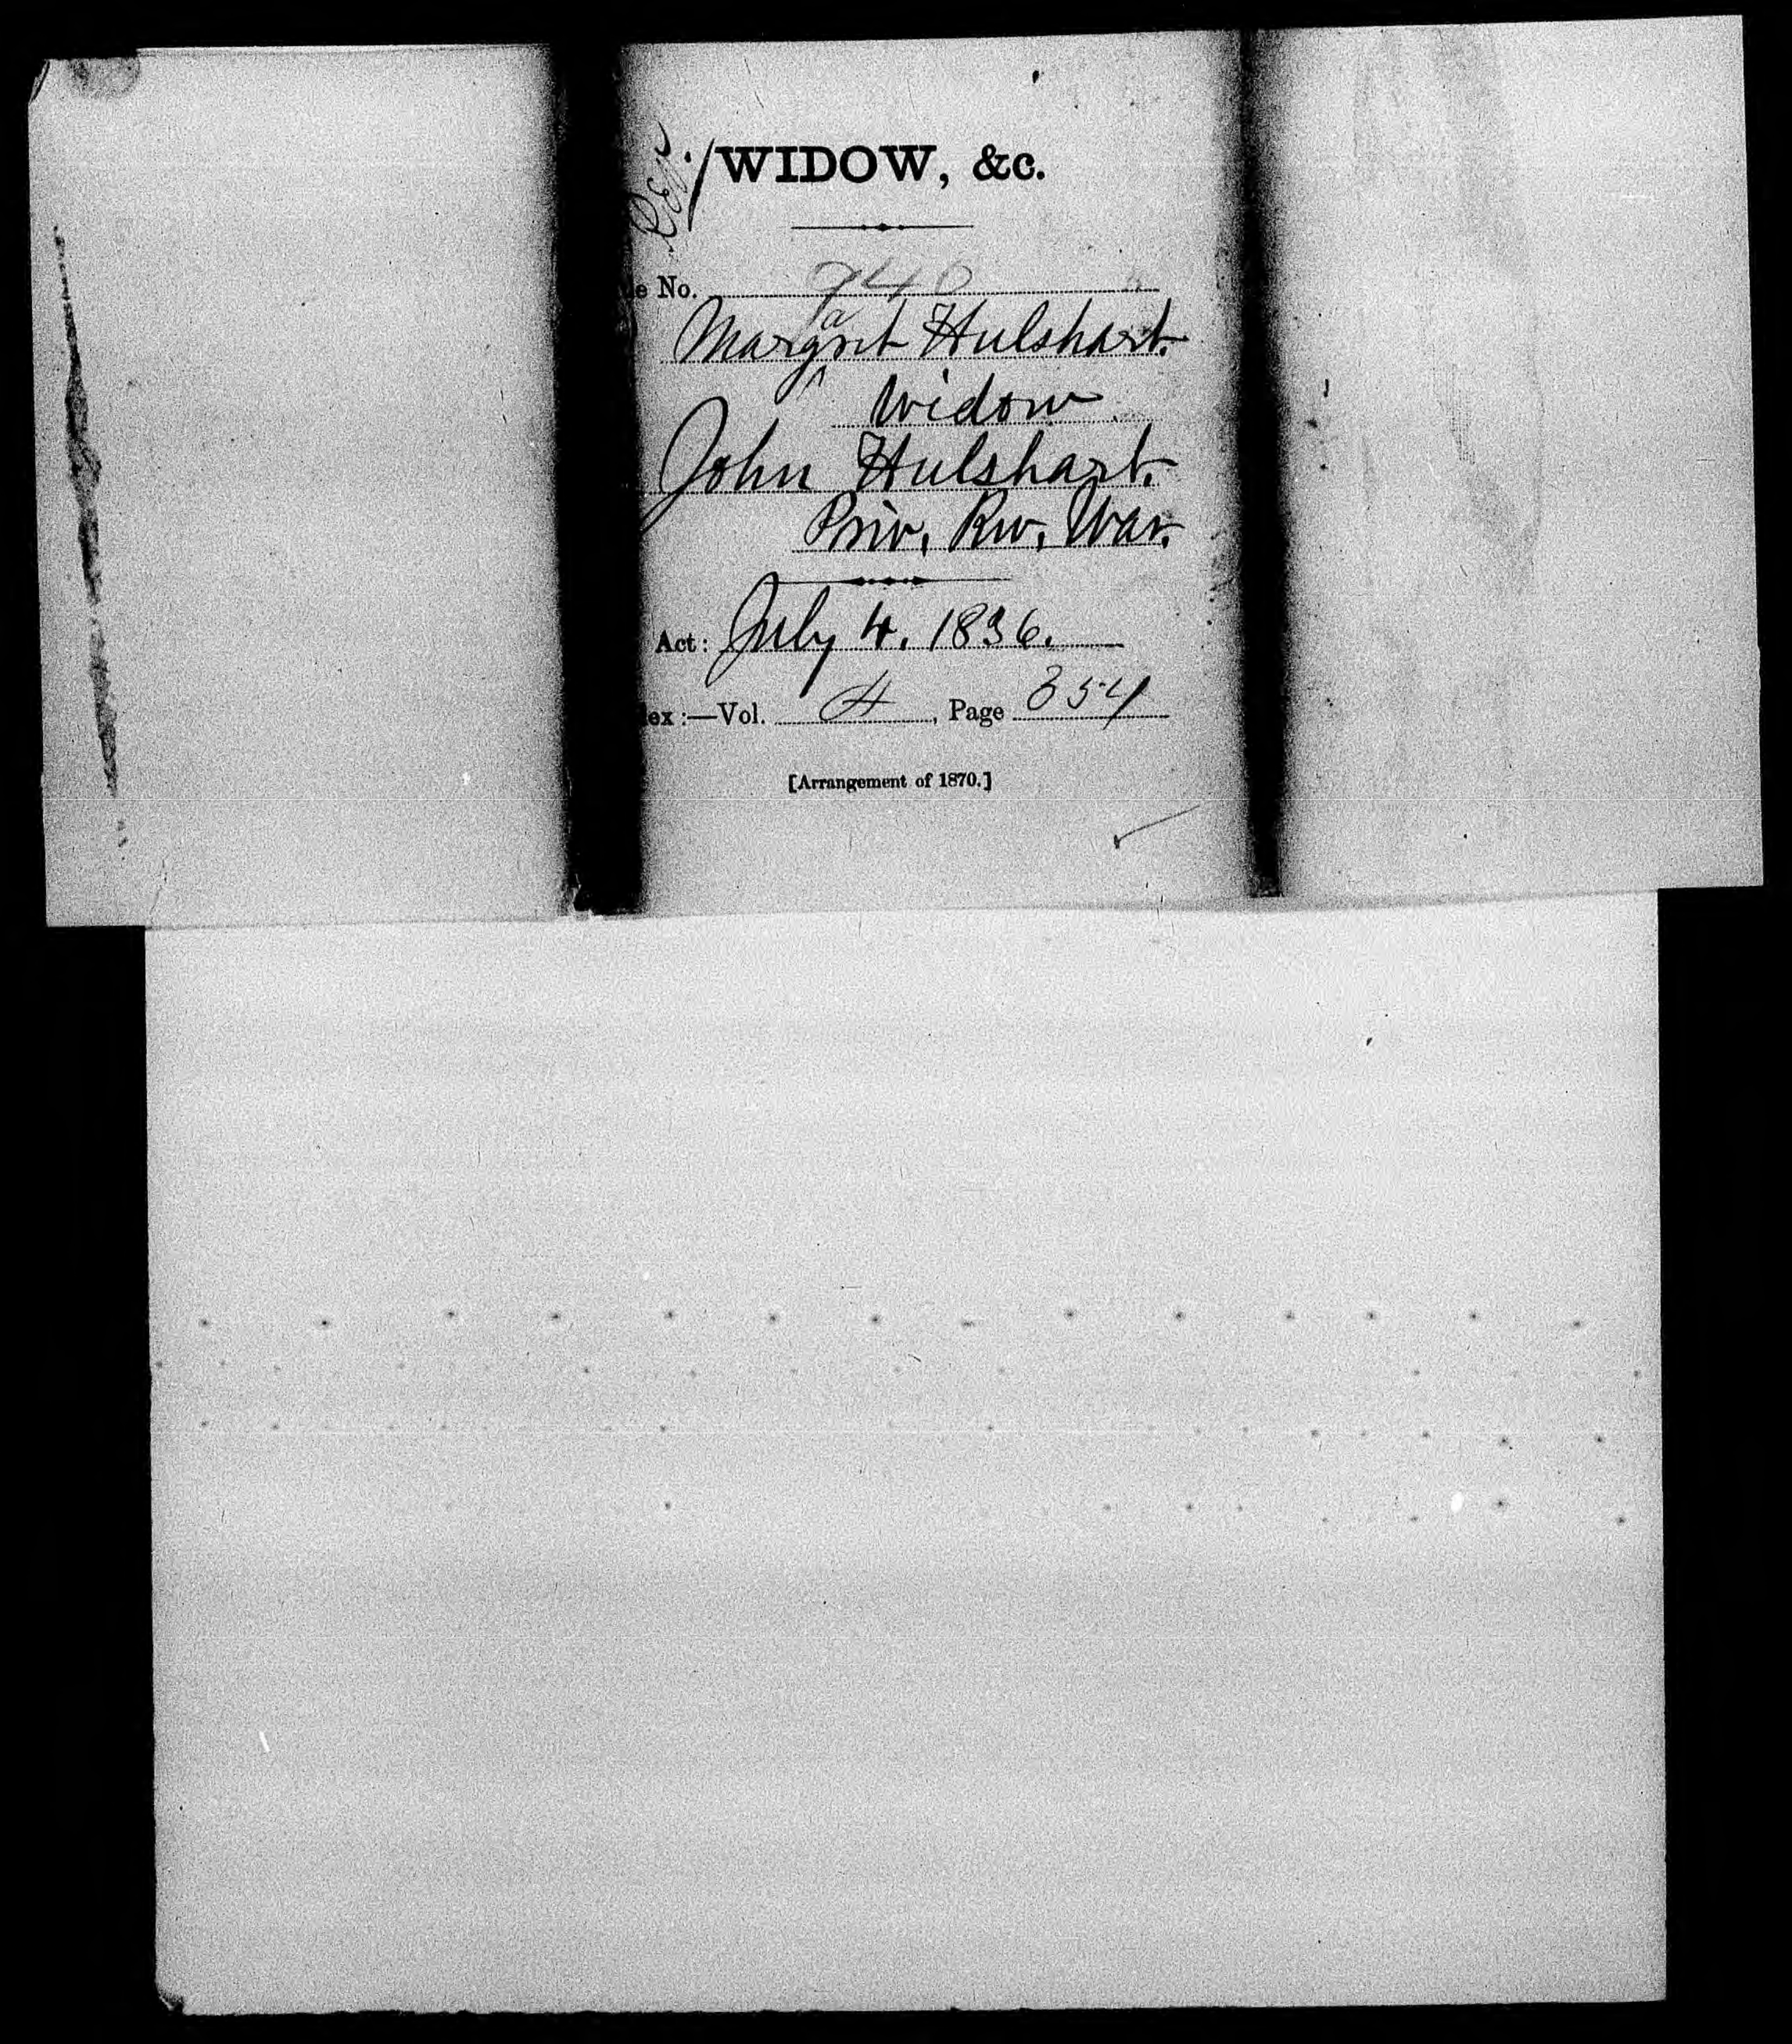Rev.   WIDOW, &c.
---------
File No. ___940__
__Margaret Hulshart.__
___widow___
__John Hulshart__
__Priv. Rev. War,__
-----------
Act: __ July 4, 1836. ___
[Ind]ex:--Vol. _H_, Page __354__

[Arrangement of 1870.]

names: John Hulshart, Margaret Hulshart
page: 20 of 34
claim: widow's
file: W. 940, John Hulshart, New Jersey